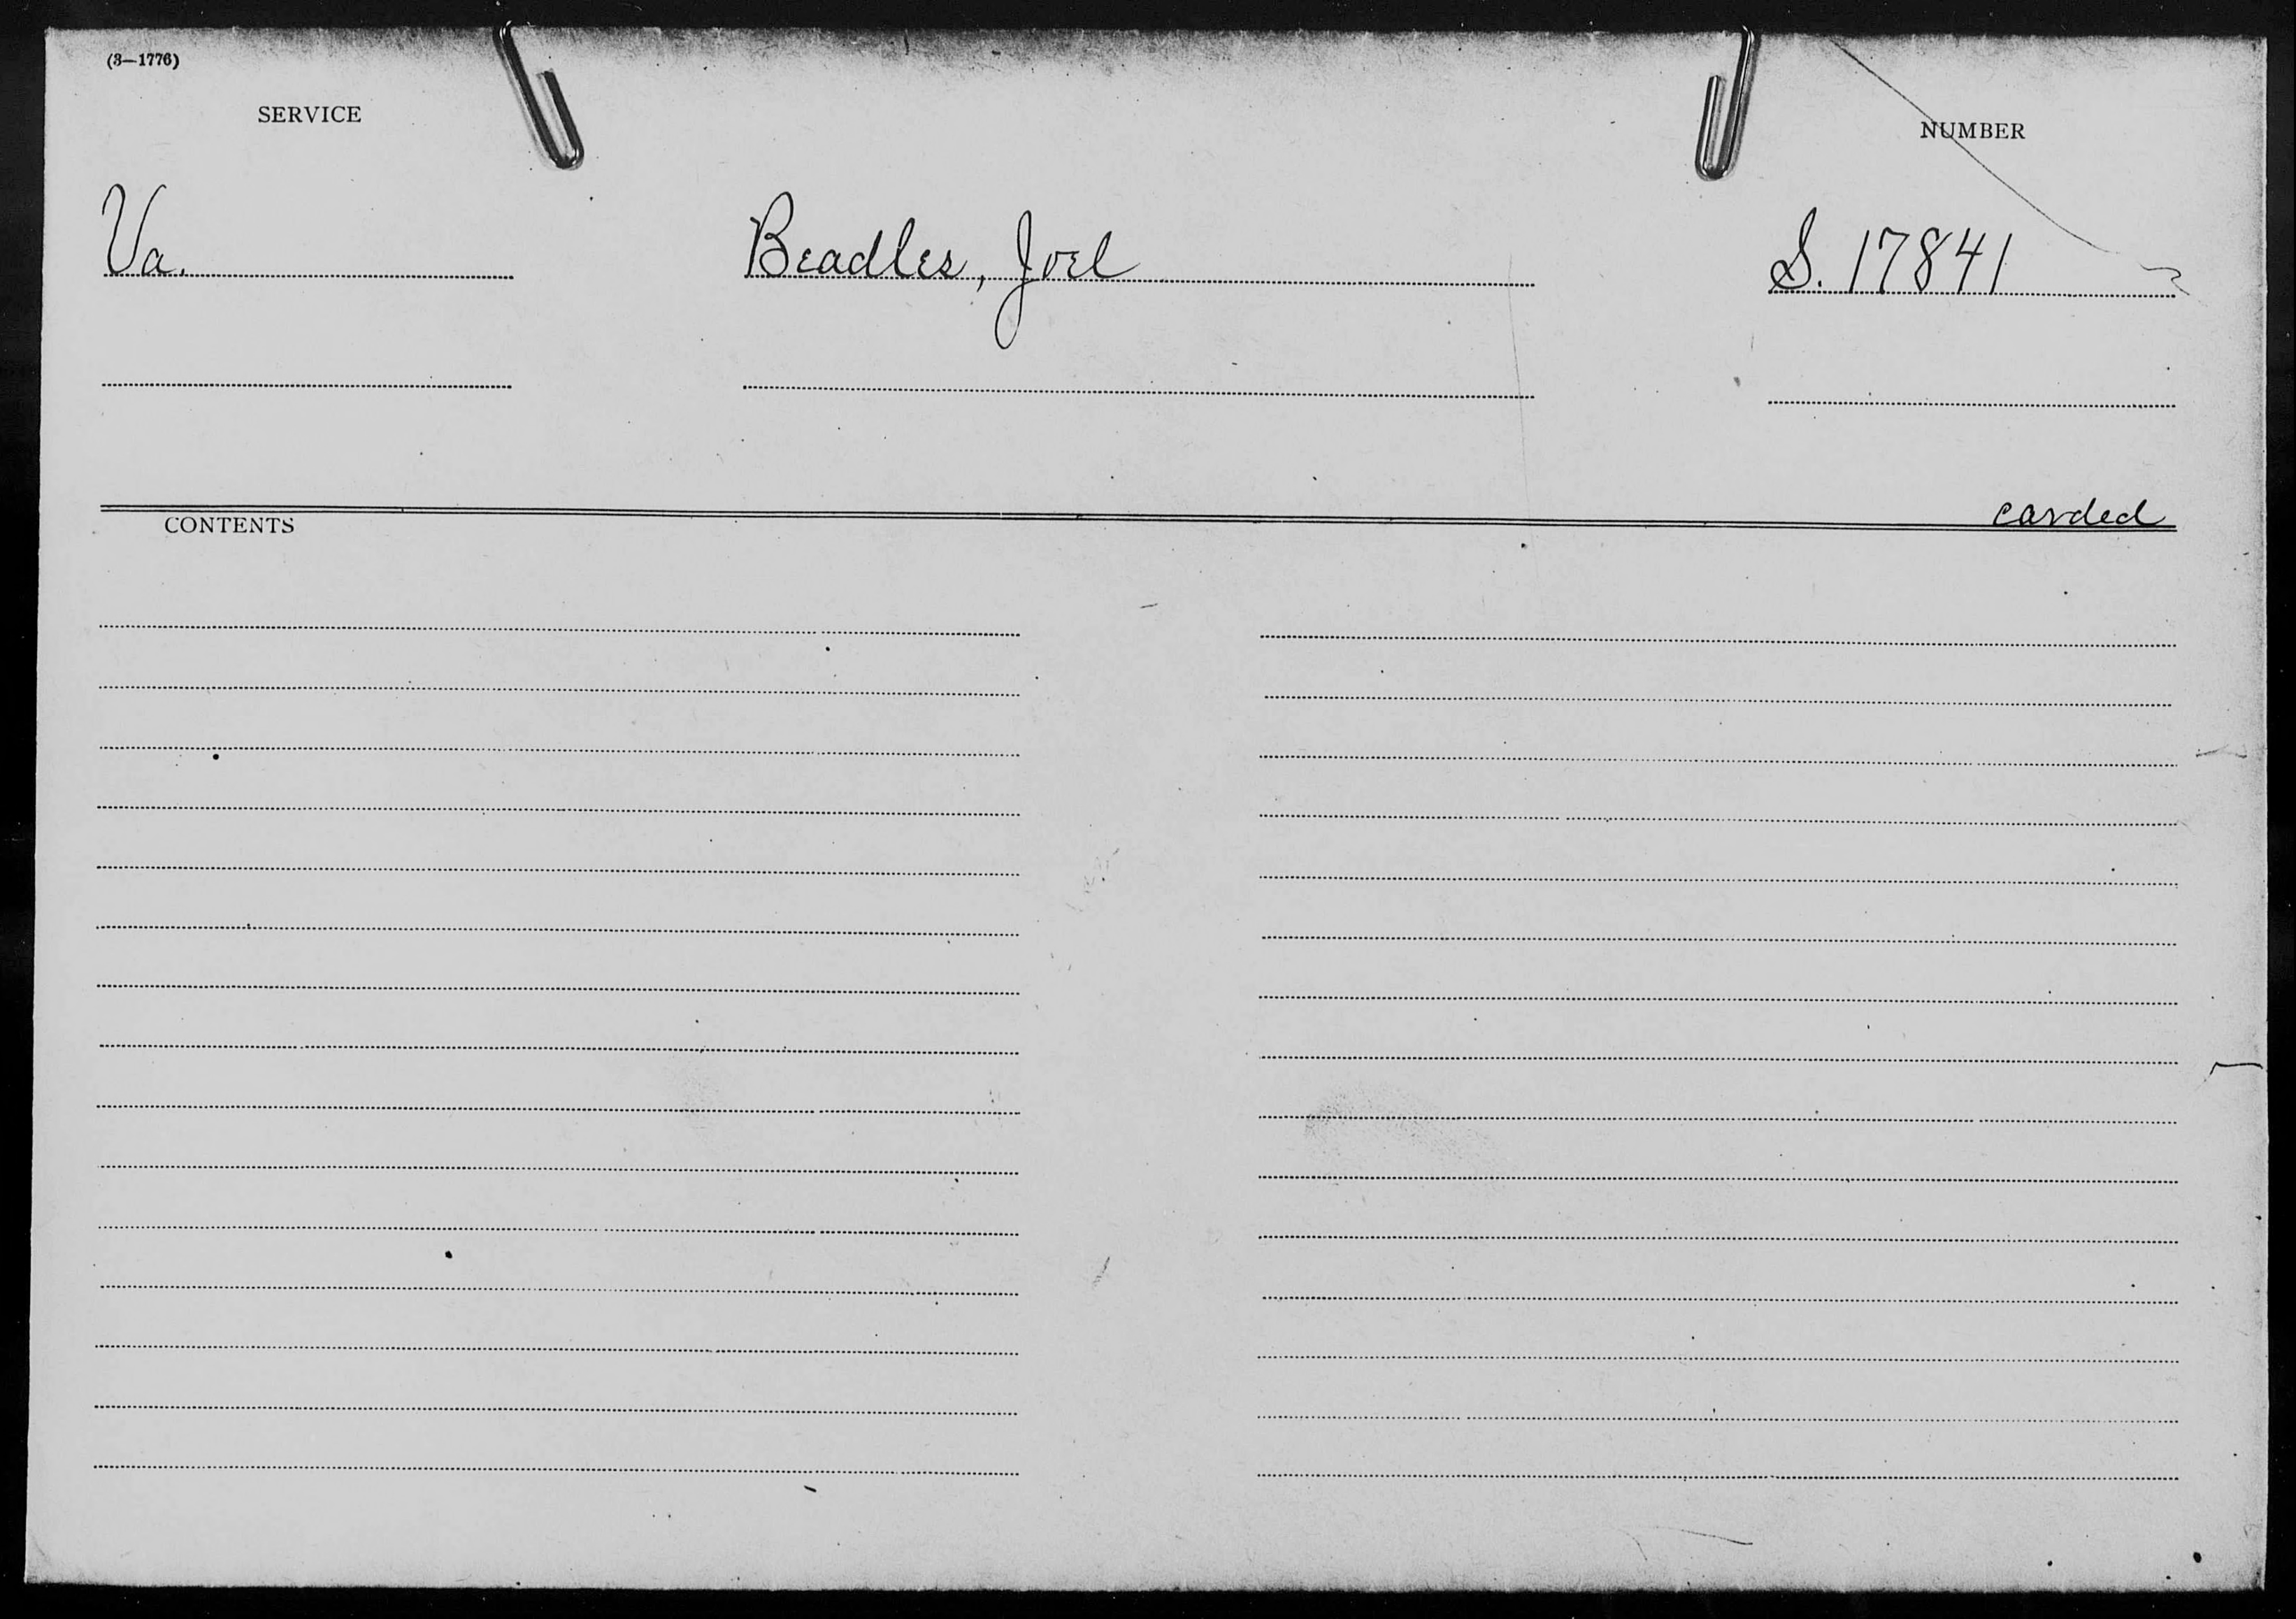Service, Virginia

Beadles, Joel

Number, S. 17841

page: 1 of 13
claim: survivor's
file: S. 17841, Joel Beadles, Va.